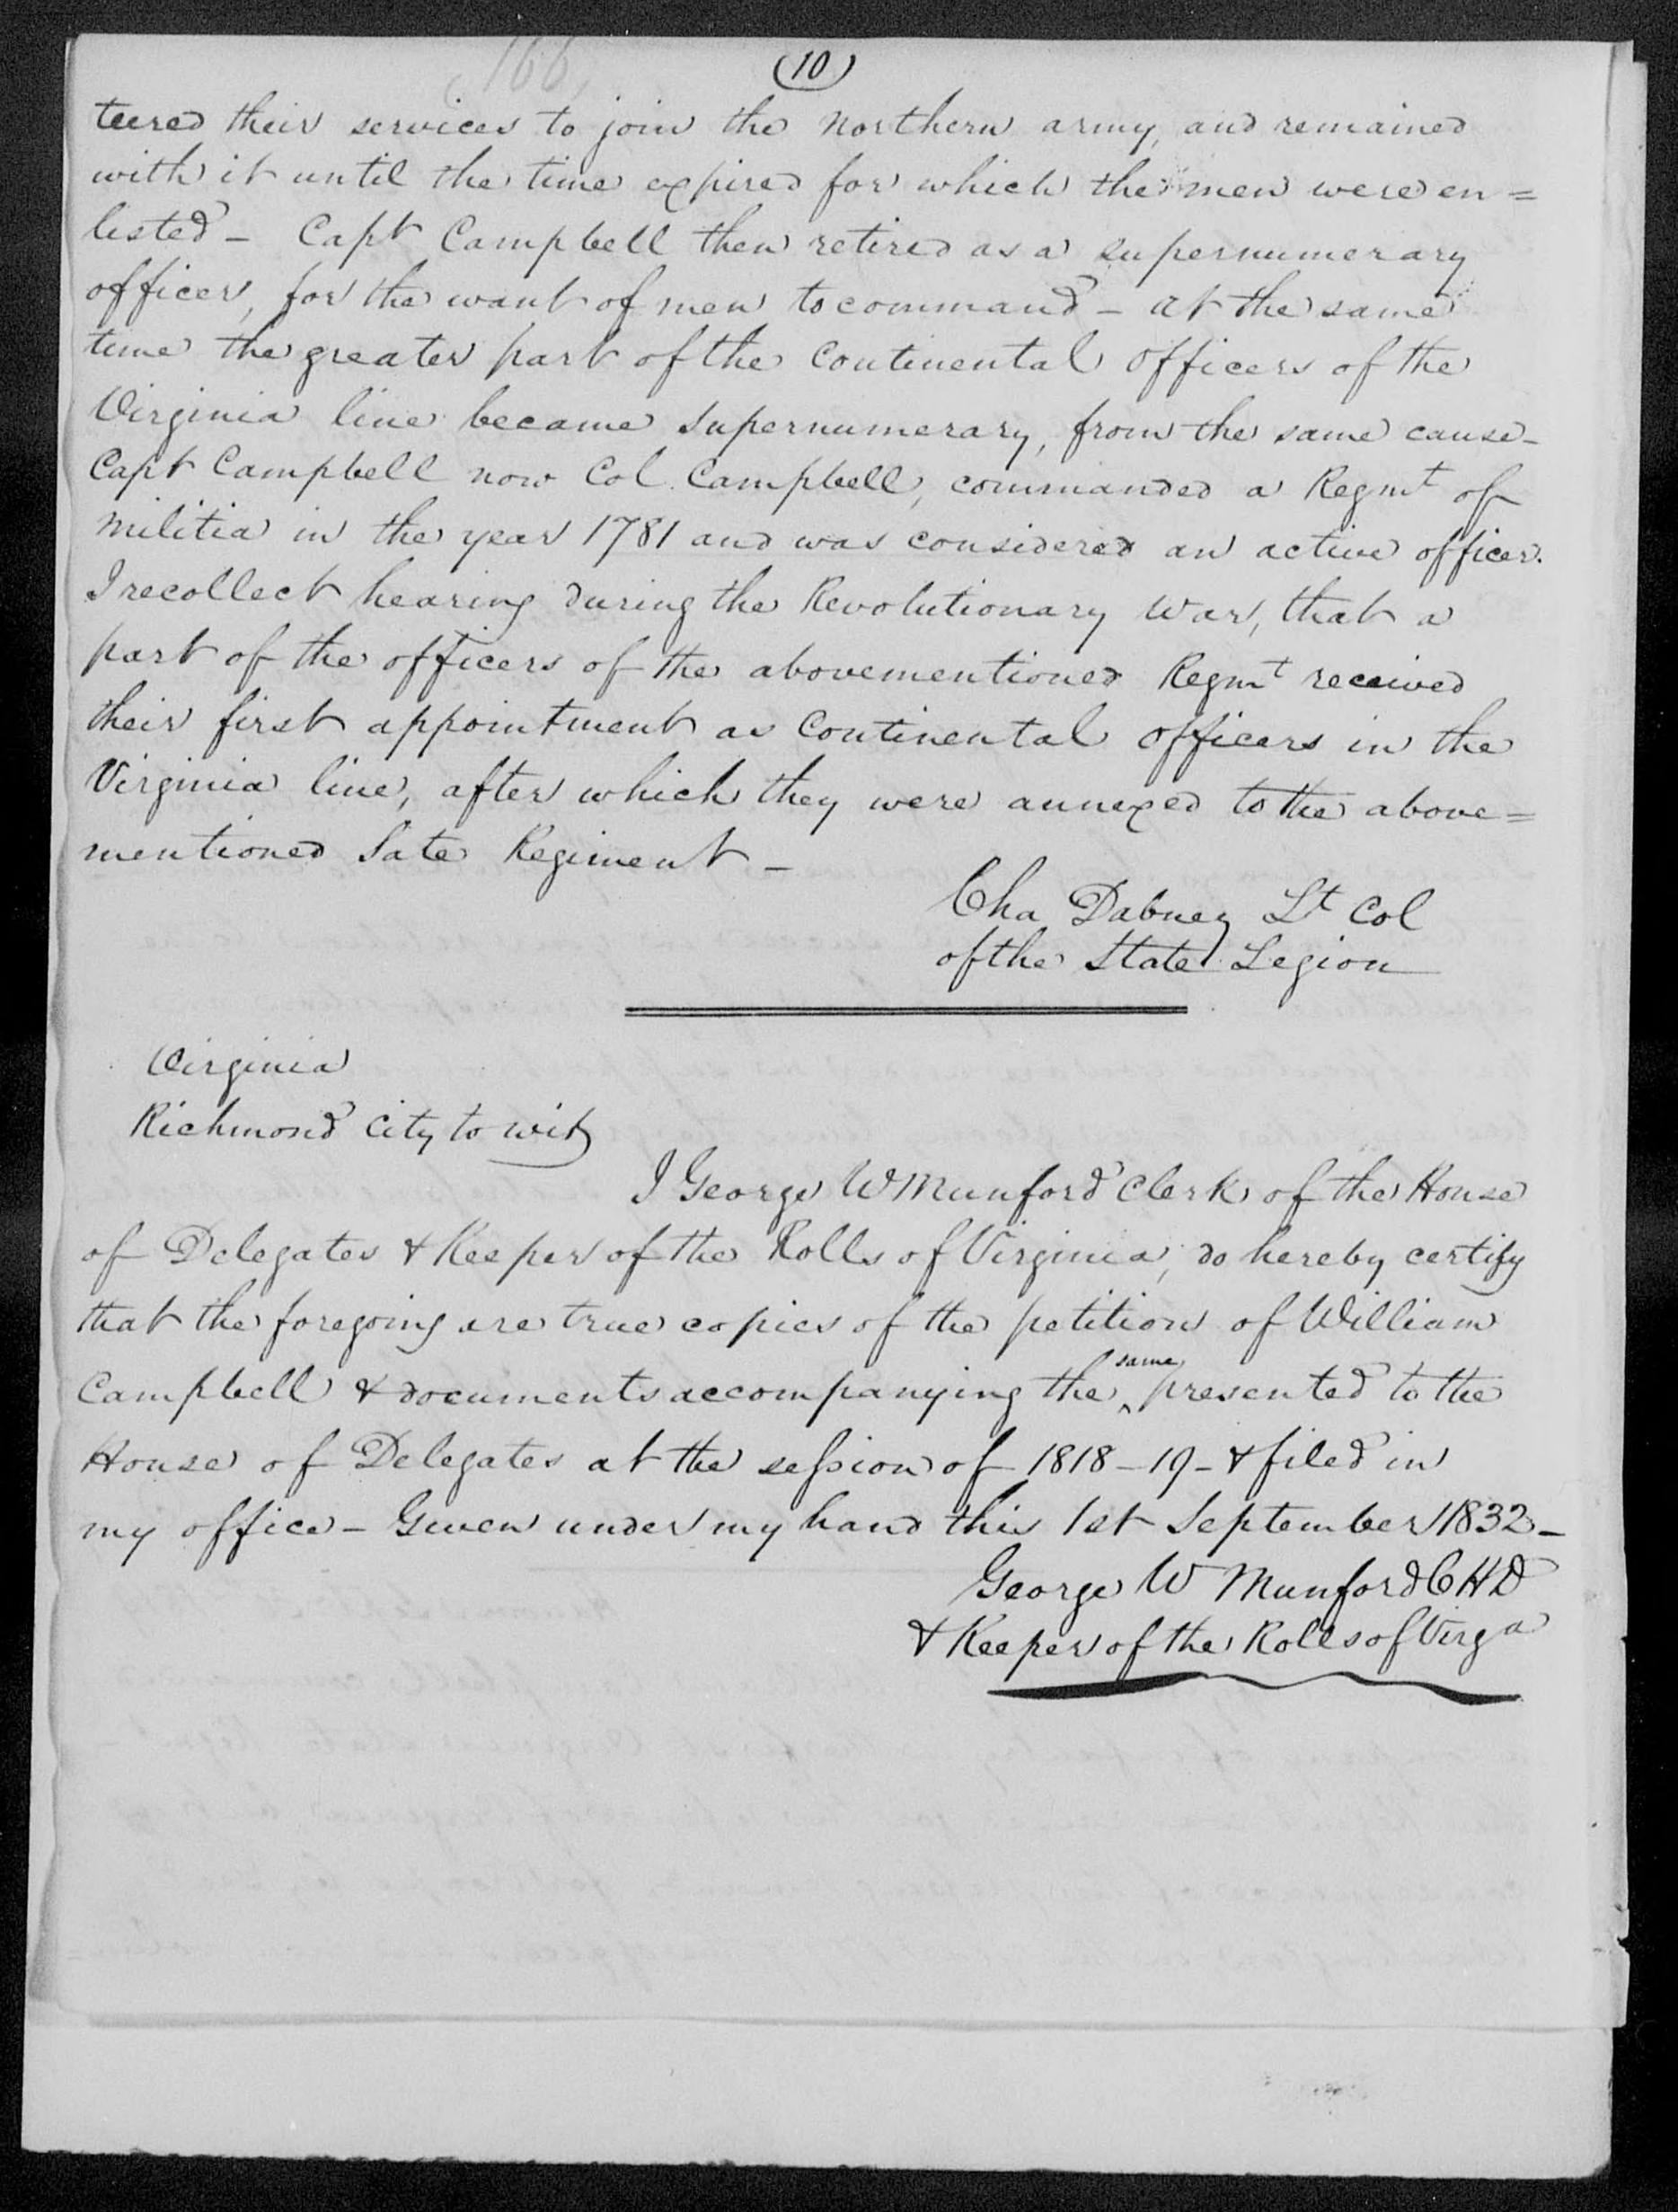(166)        (10)
teered their services to join the northern army and remained with it until the time expired for which the men were enlisted __  Capt Campbell then retired as a supernumerary officer, for the want of men to command _ at the same time the greater part of the Continental Officers of the Virginia line became supernumerary, from the same cause. Capt Campbell, now Col Campbell, commanded a Regmt of militia in the year 1781 and was considered an active officer. I recollect hearing during the Revolutionary War, that a part of the officers of the above mentioned Regmt received their first appointment as Continental Officers in the Virginia line, after which they were annexed to the above mentioned State Regiment _
Cha Dabney Lt Col of the State Legion
____________________

Virginia
Richmond City to wit
I George W Manford Clerk of the House of Delegates +[and] Keeper of the Rolls of Virginia do hereby certify that the foregoing are true copies of the petition of William Campbell +[and] documents accompanying the [insert} same [end insert] presented to the House of Delegates at the session of 1818_19_ +[and] filed in my office _ Given under my hand this 1st September 1833_
George W Munford CHD +[and] keeper of the Rolls of Virga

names: George W Munford, Cha Dabney, Campbell, Campbell, William Campbell, George W Munford, Campbell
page: 12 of 267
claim: widow's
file: W. 4,149, William Campbell, Va.